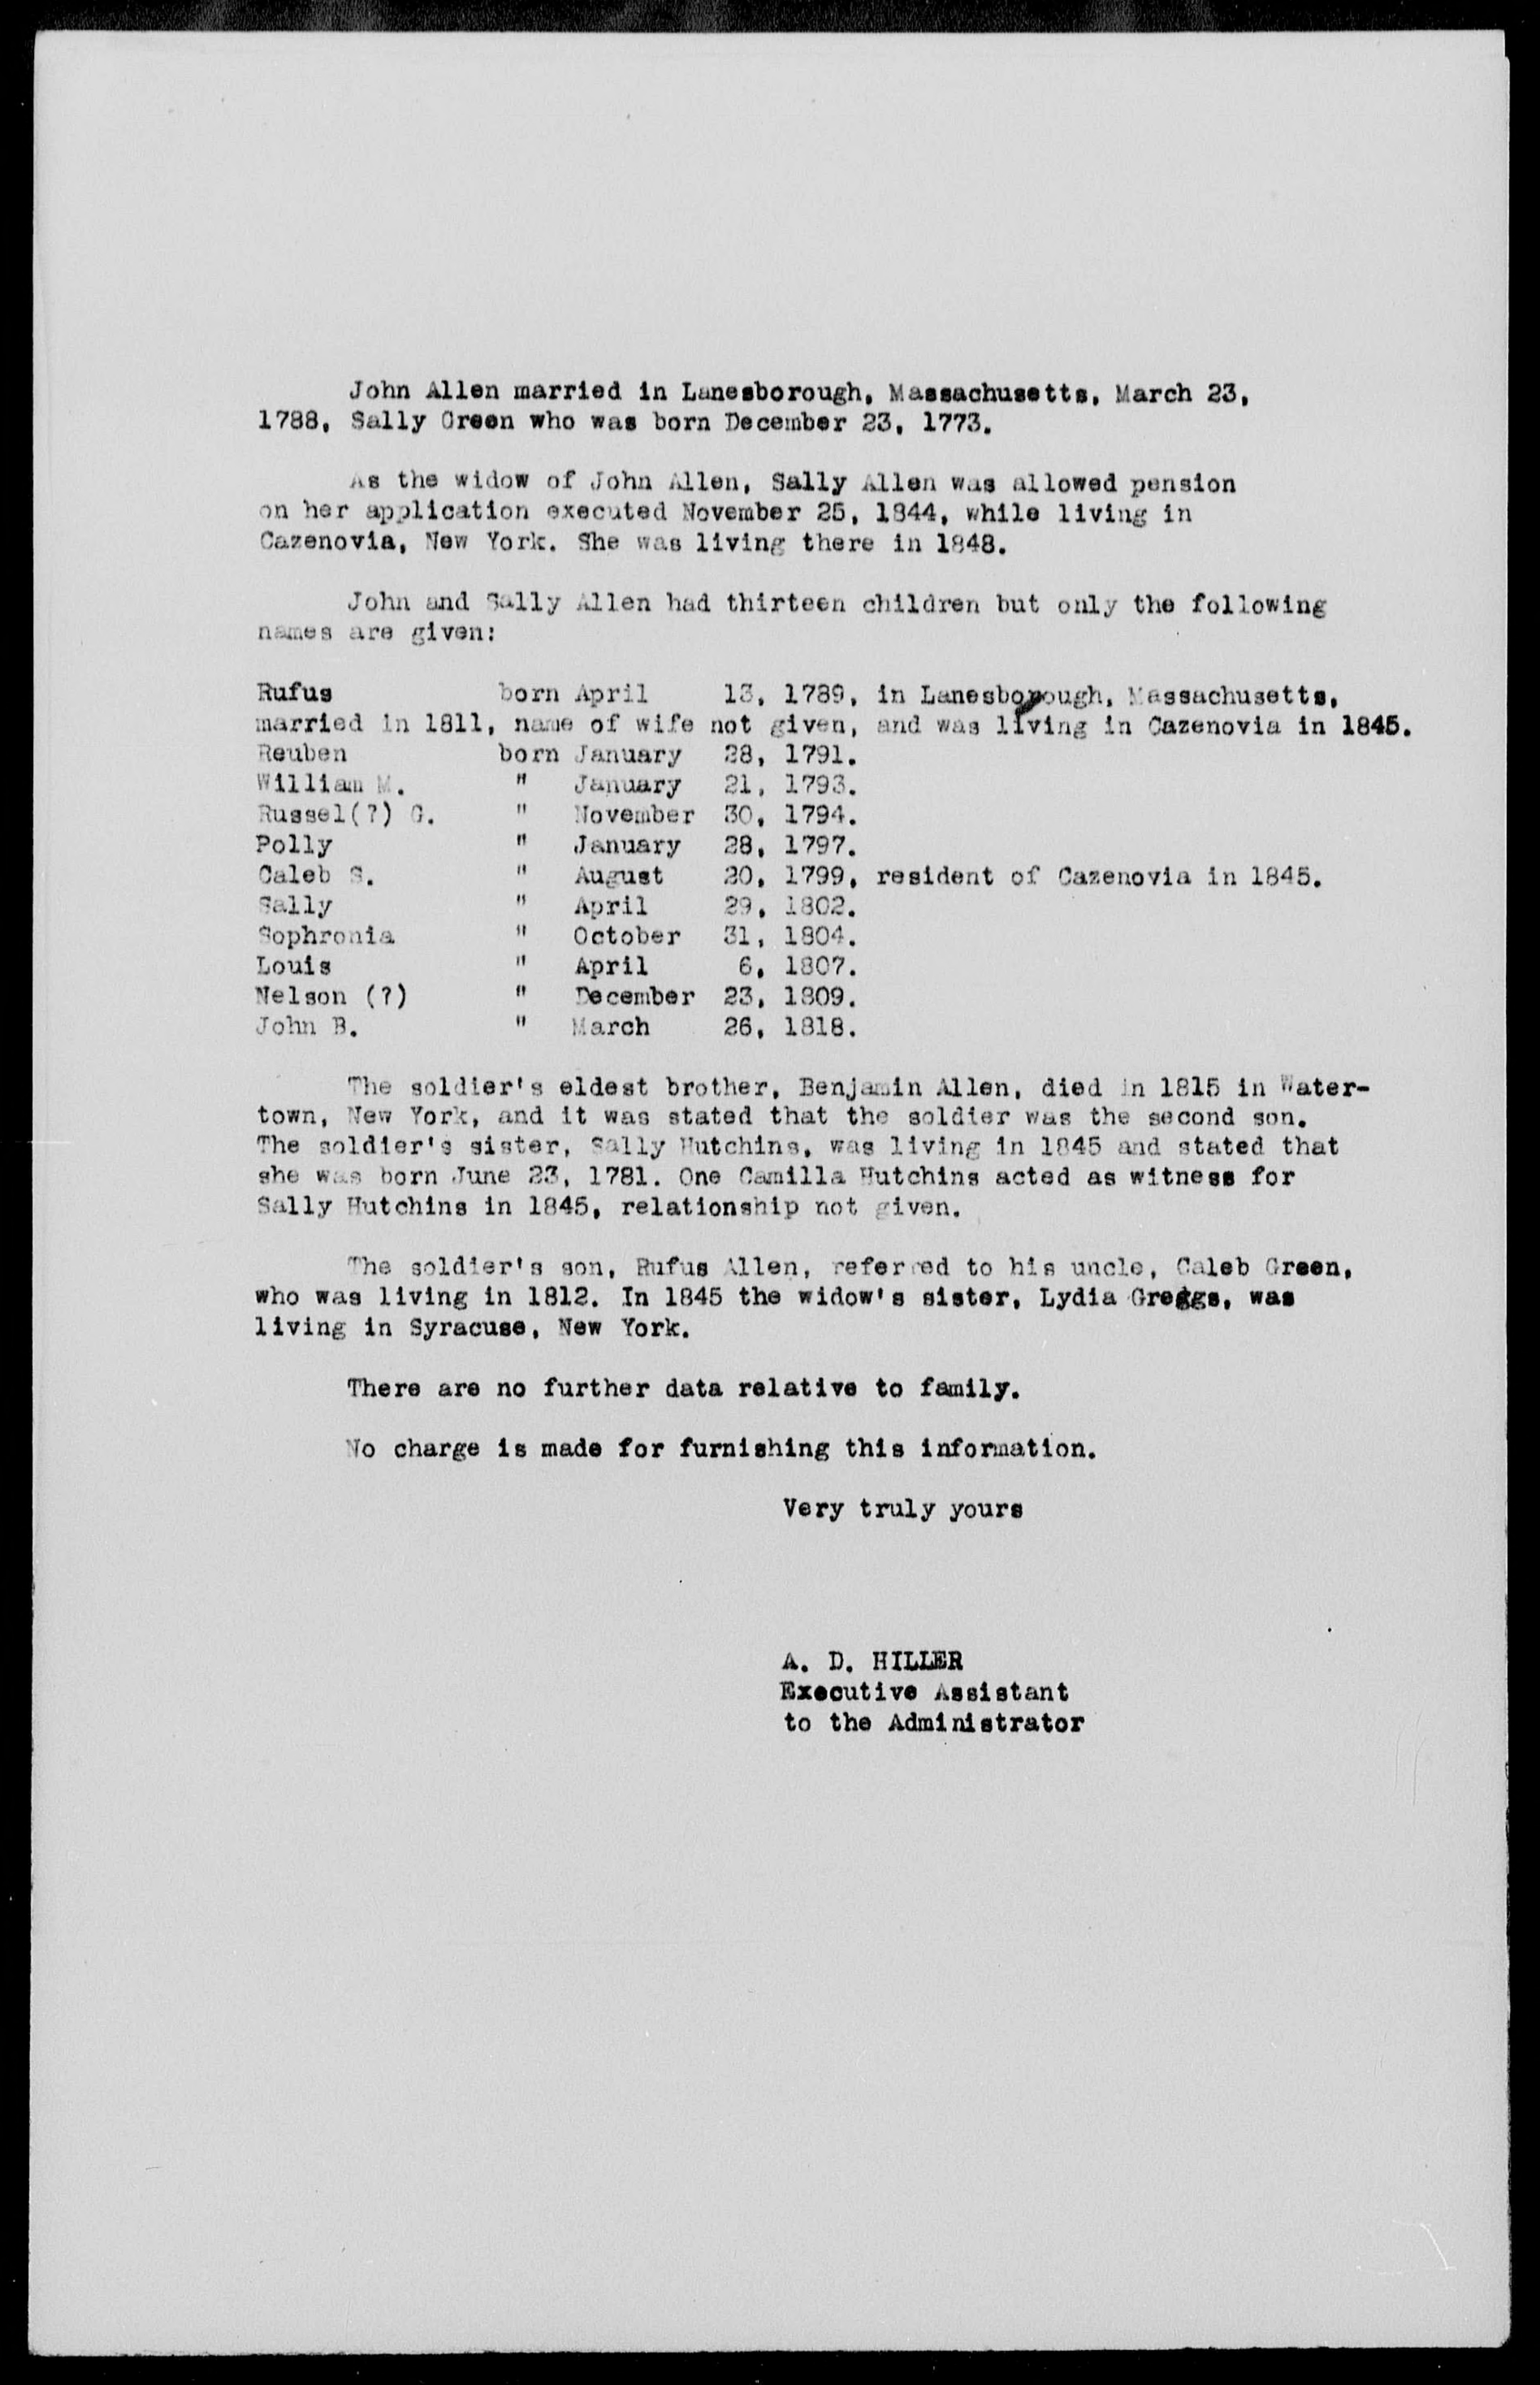John Allen married in Lanesborough, Massachusetts, March 23, 1788, Sally Green who was born December 23, 1773. 
As the widow of John Allen, Sally Allen was allowed pension on her application executed November 25, 1844, while living in Cazenovia, New York. She was living there in 1848. 
John and Sally Allen had thirteen children but only the following names are given: 
Rufus born April November 13, 1789, in Lanesborough, Massachusetts,
married in 1811, name of wife not given, and was living in Cazenovia in 1845.
Reuben born January 28, 1791
William M. “ January21, 1793
Russel (?) G. “ November 30, 1794
Polly “ January 28, 1797.
Caleb S. “ August 20, 1799, resident of Cazenovia in 1845.
Sally “ April 29, 1802.
Sophronia “ October 31, 1804.
Louis “ April 6, 1807.
Nelson (?) “ December 23, 1809.
John B. “ March 26, 1818.
The soldier's eldest brother, Benjamin Allen, died in 1815 in Watertown, New York, and it was stated that the soldier was the second son. The soldier's sister, Sally Hutchins, was living in 1845 and stated that she was born June 23, 1781. One Camilla Hutchins acted as witness for Sally Hutchins in 1845, relationship not given. 
The soldier's son, Rufus Allen, referred to his uncle, Caleb Green, who was living in 1812. In 1845 the widow's sister, Lydia Greggs, was living in Syracuse, New York. 
There are no further data relative to family. 
No charge is made for furnishing this information. 
Very truly yours 
A. D. HILLER 
Executive Assistant 
to the Administrator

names: Sally Hutchins, John Allen, Nelson, Sally, Sophronia, Reuben, A D Hiller, Caleb S, Russel G, Louis, Polly, Rufus, Sally Allen, Rufus Allen, Lydia Greggs, Caleb Green, William M, Sally Allen, Sally Hutchins, Benjamin Allen, Sally Green, John B, John Allen, Camilla Hutchins, John Allen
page: 31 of 74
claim: widow's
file: W. 23424, John Allen, Mass. R. I.